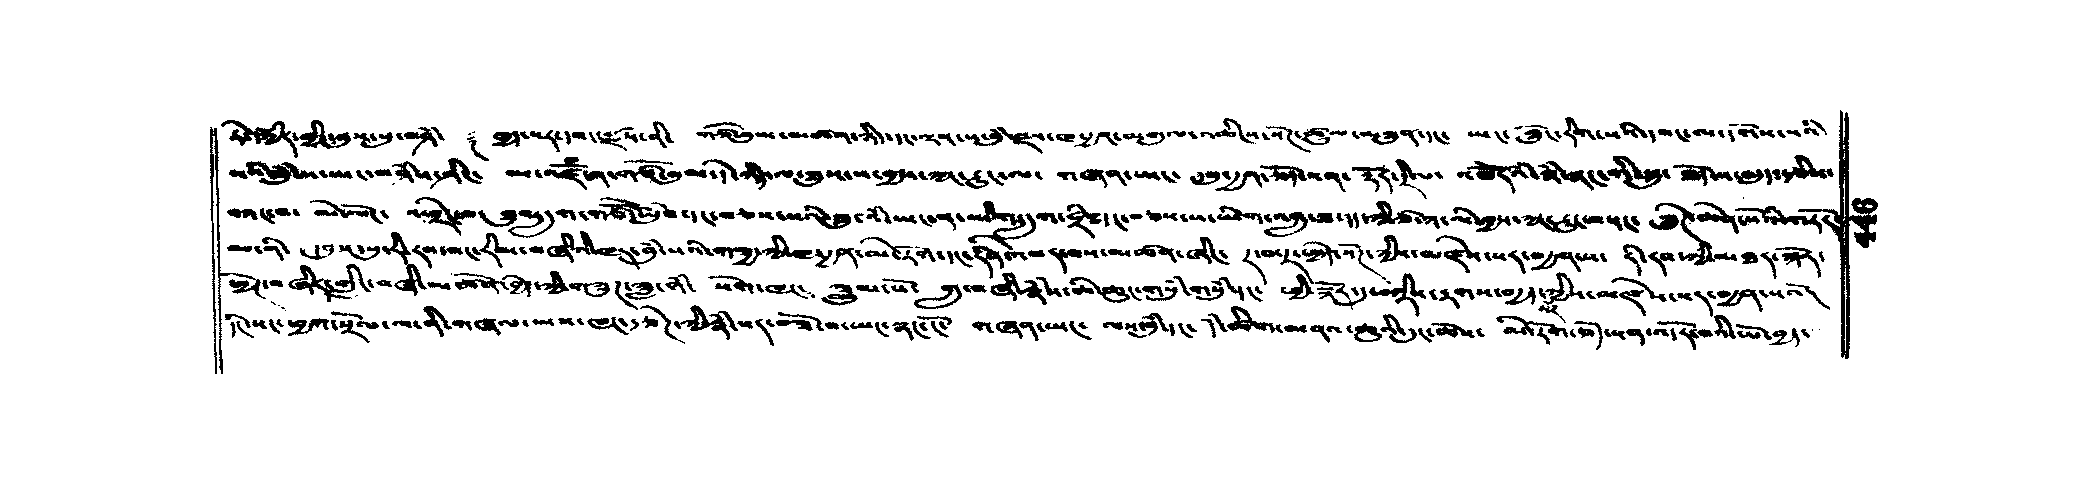ཏེ་དཀྱིལ་འཁོར་གྱི་དབུས་སུ་བཤམས། ༈ ཁྱད་པར་དབང་རྫས་ནི། གཙོ་བུམ་མཚན་ཉིད་དང་ལྡན་པ་བུམ་རྫས་ཁ་རྒྱན་མགུལ་འཆིང་སོགས་ཚུལ་མཐུན་དང་། ཡང་ཐུན་མོང་རིག་པའི་དབང་ལ་དགོས་པའི་
སའོ་བུམ་པ་ཡང་བཤམས་ཤིང་། མ་འཛོམ་ན་གཙོ་བུམ་དེ་ཉིད་ལ་ཐུས་པ་བྱས་ཀྱང་རུང་ལ། གཞན་ཡང་དབུ་རྒྱན་ཅོད་པན་རྡོར་དྲིལ། འཁོར་ལོ་འམ་རྣམ་སྣང་གི་སྐུ། ཐོད་པ་བདུད་རྩིས་
བཀང་བ། མེ་ལོང་། འཕྲེང་བ། ཐུབ་དྲུག་གཙོ་བོ་ཡབ་ཡུམ་དང་བཅས་པའི་སྐུའམ་ཡང་ན་ཡིག་དྲུག་ཧྲིཿདང་བཅས་པའི་ཡིག་འབྲུ་ཐ་དད་ཀྱི་ཙ་ཀ་ལི་བྱས་ཀྱང་རུང་བ་དང། ཐུགས་རྗེ་ཆེན་པོའི་གཏོར་
མ་ནི།དབུས་སུ་རི་རབ་བང་རིམ་བཞིའི་ཁར་བུམ་པའི་གཟུགས་ཀྱི་ཁ་རྒྱན་མེ་ཏོག་དང་རིན་ཆེན་འབར་བའི་མཚན་ཞིང་། དྲ་བ་དྲ་ཕྱེད་སོགས་ཀྱིས་མཛེས་པར་བརྒྱན་པ། རི་རབ་གྱི་མཐར་སྐོར་
ཕྱོགས་བཞིར་གླིང་བཞི་མཚོན་བྱེད་ཀྱི་གཟུགས་ཟླ་གམ། སོག་ཁང་། ཟླུམ་པོ། གྲུ་བཞི་རྣམས་ཆེ་ཆུང་གསུམ་གསུམ་དང་། ཕྱི་སྐོར་དུ་བཀྲ་ཤིས་རྟགས་བརྒྱད་སོགས་ཀྱིས་བརྒྱན་པའོ། 
དིང་སང་ཕྱག་སྲོལ་ལ་ནི་གཞལ་ཡས་ཁང་བརྩེགས་ཀྱི་རྣམ་པར་བཟོ་བ་ཡང་སྣང་ངོ་། གཞན་ཡང་ལས་བུམ་དང་། དམ་ཚིག་མནའ་ཆུའི་དུང་ཆོས། མེ་ཏོག་ཅོད་པན་འདོར་བའི་ཡོ་བྱད་་